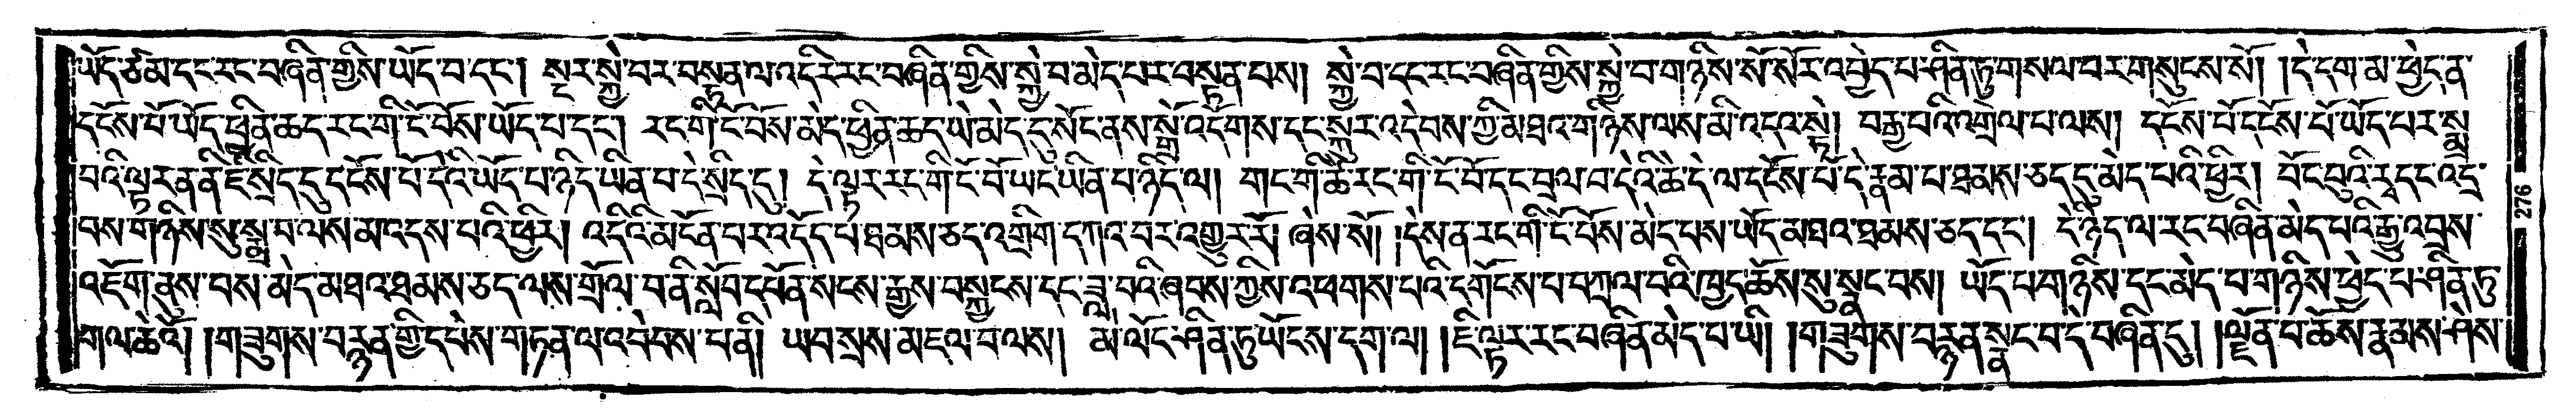ཡོད་ཙམ་དང་རང་བཞིན་གྱིས་ཡོད་པ་དང་། སྔར་སྐྱེ་བར་བསྟན་ལ་འདིར་རང་བཞིན་གྱིས་སྐྱེ་བ་མེད་པར་བསྟན་པས། སྐྱེ་བ་དང་རང་བཞིན་གྱིས་སྐྱེ་བ་གཉིས་སོ་སོར་འབྱེད་པ་ཤིན་ཏུ་གསལ་བར་གསུངས་སོ། །དེ་དག་མ་ཕྱེད་ན་
དངོས་པོ་ཡོད་ཕྱིན་ཆད་རང་གི་ངོ་བོས་ཡོད་པ་དང་། རང་གི་ངོ་བོས་མེད་ཕྱིན་ཆད་ཡེ་མེད་དུ་སོང་ནས་སྒྲོ་འདོགས་དང་སྐུར་འདེབས་ཀྱི་མཐའ་གཉིས་ལས་མི་འདའ་སྟེ། བརྒྱ་པའི་འགྲེལ་པ་ལས། དངོས་པོ་དངོས་པོ་ཡོད་པར་སྨྲ་
བའི་ལྟར་ན་ནི་ཇི་སྲིད་དུ་དངོས་པོ་དེའི་ཡོད་པ་ཉིད་ཡིན་པ་དེ་སྲིད་དུ། དེ་ལྟར་རང་གི་ངོ་བོ་ཡང་ཡིན་པ་ཉིད་ལ། གང་གི་ཚེ་རང་གི་ངོ་བོ་དང་བྲལ་བ་དེའི་ཚེ་དེ་ལ་དངོས་པོ་དེ་རྣམ་པ་ཐམས་ཅད་དུ་མེད་པའི་ཕྱིར། བོང་བུའི་རྭ་དང་འདྲ་
བས་གཉིས་སུ་སྨྲ་བ་ལས་མ་འདས་པའི་ཕྱིར། འདིའི་མངོན་པར་འདོད་པ་ཐམས་ཅད་འགྲིག་དཀའ་བར་འགྱུར་རོ། ཞེས་སོ། །དེས་ན་རང་གི་ངོ་བོས་མེད་པས་ཡོད་མཐའ་ཐམས་ཅད་དང་། དེ་ཉིད་ལ་རང་བཞིན་མེད་པའི་རྒྱུ་འབྲས་
འཇོག་ནུས་པས་མེད་མཐའ་ཐམས་ཅད་ལས་གྲོལ་བ་ནི་སློབ་དཔོན་སངས་རྒྱས་བསྐྱངས་དང་ཟླ་བའི་ཞབས་ཀྱིས་འཕགས་པའི་དགོངས་པ་བཀྲལ་བའི་ཁྱད་ཆོས་སུ་སྣང་བས། ཡོད་པ་གཉིས་དང་མེད་པ་གཉིས་ཕྱེད་པ་ཤིན་ཏུ་
གལ་ཆེའོ། །གཟུགས་བརྙན་གྱི་དཔེས་གཏན་ལ་འབེབས་པ་ནི། ཡབ་སྲས་མཇལ་བ་ལས། མེ་ལོང་ཤིན་ཏུ་ཡོངས་དག་ལ། །ཇི་ལྟར་རང་བཞིན་མེད་པ་ཡི། །གཟུགས་བརྙན་སྣང་བ་དེ་བཞིན་དུ། །ལྗོན་པ་ཆོས་རྣམས་ཤེས་